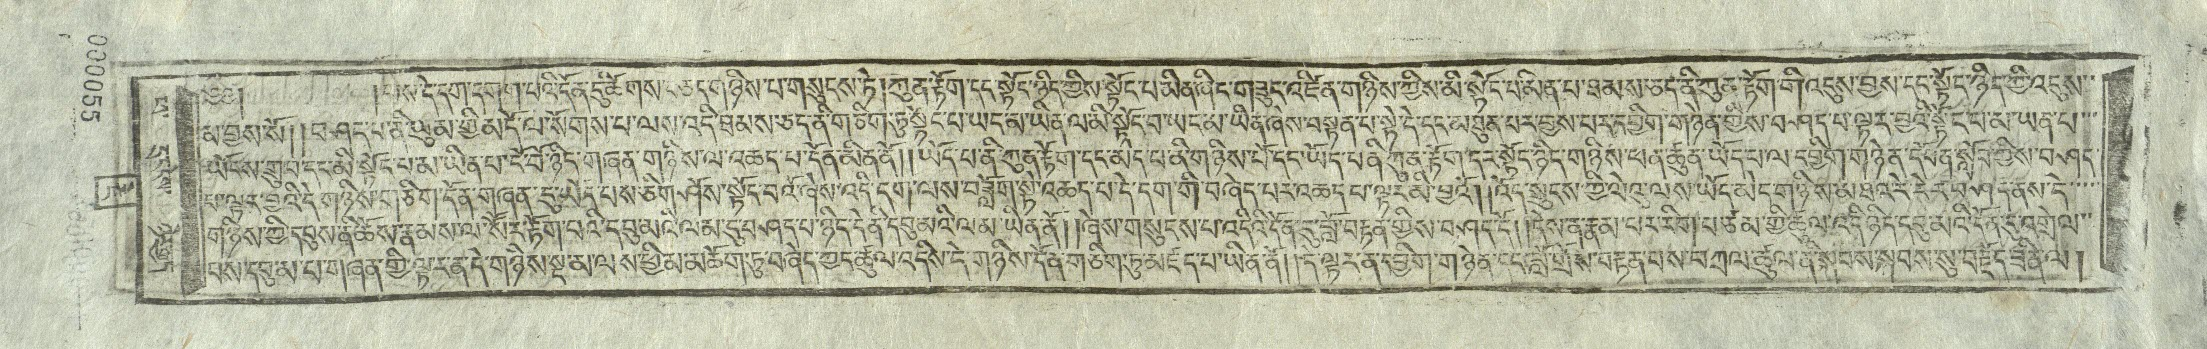༄༅། །པས་དེ་དག་དགག་པའི་དོན་དུ་ཚིགས་བཅད་གཉིས་པ་གསུངས་ཏེ། ཀུན་རྟོག་དང་སྟོང་ཉིད་ཀྱིས་སྟོང་པ་མིན་ཞིང་གཟུང་འཛིན་གཉིས་ཀྱིས་མི་སྟོང་པ་?་མིན་པ་ཐམས་ཅད་ནི་ཀུན་རྟོག་གི་འདུས་བྱས་དང་སྟོང་ཉིད་ཀྱི་འདུས་
མ་བྱས་སོ། །བཤད་པ་ནི་ཡུམ་གྱི་མདོ་ལ་སོགས་པ་ལས་འདི་ཐམས་ཅད་ནི་གཅིག་ཏུ་སྟོང་པ་ཡང་མ་ཡིན་ལ་མི་སྟོང་བ་ཡང་མ་ཡིན་ཞེས་བསྟན་པ་སྟེ་དེ་དང་མཐུན་པར་བྱས་པར་དབྱིག་གཉེན་གྱིས་བཤད་པ་ལྟར་བྱའི་སྟོང་བ་མ་ཡིན་པ་
ཡོངས་གྲུབ་དང་མི་སྟོང་པ་མ་ཡིན་པ་ངོ་བོ་ཉིད་གཞན་གཉིས་ལ་འཆད་པ་དོན་མིན་ནོ། །ཡོད་པ་ནི་ཀུན་རྟོག་དང་མེད་པ་ནི་གཉིས་པོ་དང་ཡོད་པ་ནི་ཀུན་རྟོག་དང་སྟོང་ཉིད་གཉིས་ཕན་ཚུན་ཡོད་པ་ལ་དབྱིག་གཉེན་དཔོན་སློབ་ཀྱིས་བཤད་
པ་ལྟར་བྱའི་དེ་གཉིས་གཅིག་དོན་གཞན་དུ་ཡོད་པས་ཅིག་ཤོས་སྟོང་པའོ་ཞེས་འདི་དག་ལས་བཟློག་སྟེ་འཆད་པ་དེ་དག་གི་བཞེད་པར་འཆད་པ་ལྟར་མི་བྱའོ། །འོད་སྲུངས་ཀྱི་ལེའུ་ལས་ཡོད་མེད་གཉིས་མཐའ་རེ་རེར་བཤད་ནས་དེ་
གཉིས་ཀྱི་དབུས་ནི་ཆོས་རྣམས་ལ་སོར་རྟོག་པའི་དབུ་མའི་ལམ་དུ་བཤད་པ་ཉིད་དེ་ནི་དབུ་མའི་ལམ་ཡིན་ནོ། །ཞེས་གསུངས་པ་འདིའི་དོན་དུ་བློ་བརྟན་གྱིས་བཤད་དོ། །དེས་ན་རྣམ་པར་རིག་པ་ཙམ་གྱི་ཚུལ་འདི་ཉིད་དབུ་མའི་དོན་དུ་འགྲེལ་
པས་དབུ་མ་པ་གཞན་གྱི་ལྟར་ན་དེ་གཉིས་སྔ་མ་ལས་ཕྱི་མ་མཆོག་ཏུ་བཞེད་ཀྱང་ཚུལ་འདིས་དེ་གཉིས་དོན་གཅིག་ཏུ་མཛད་པ་ཡིན་ནོ། །དེ་ལྟར་ན་དབྱིག་གཉེན་དང་བློ་གྲོས་བརྟན་པས་བཀྲལ་ཚུལ་ནི་སྐབས་སྐབས་སུ་བརྗོད་ཟིན་ལ།